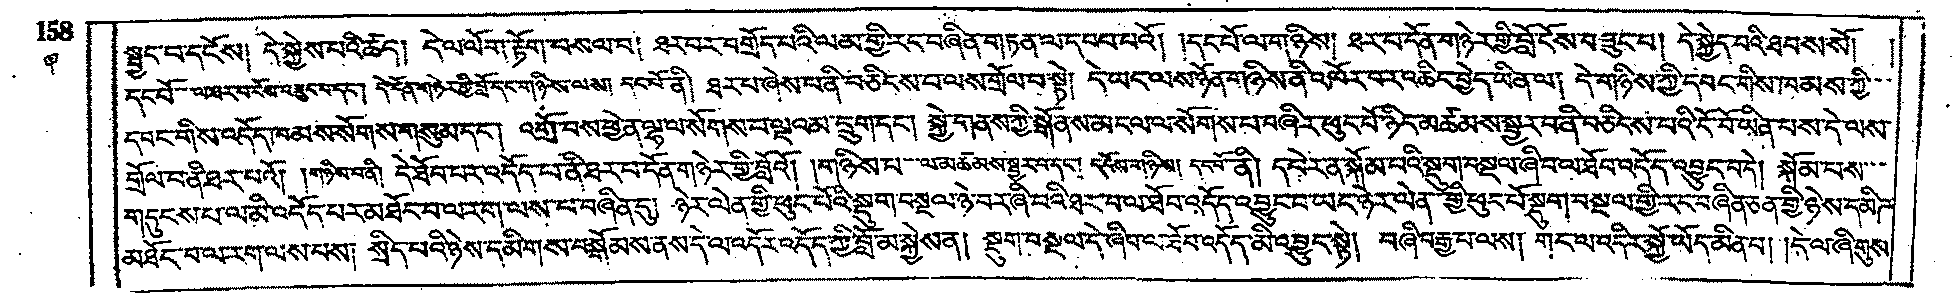སྦྱང་བ་དངོས། དེ་སྐྱེས་པའི་ཚད། དེ་ལ་ལོག་རྟོག་བསལ་བ། ཐར་པར་བགྲོད་པའི་ལམ་གྱི་རང་བཞིན་གཏན་ལ་དབབ་པའོ། །དང་པོ་ལ་གཉིས། ཐར་པ་དོན་གཉེར་གྱི་བློ་ངོས་བཟུང་བ། དེ་སྐྱེད་པའི་ཐབས་སོ། །
དང་པོ་ལ་ཐར་པ་ངོས་བཟུང་བ་དང་། དེ་དོན་གཉེར་གྱི་བློ་དང་གཉིས་ལས། དང་པོནི། ཐར་པ་ཞེས་པ་ནི་བཅིངས་པ་ལས་གྲོལ་བ་སྟེ། དེ་ཡང་ལས་ཉོན་གཉིས་ནི་འཁོར་བར་འཆིང་བྱེད་ཡིན་ལ། དེ་གཉིས་ཀྱི་དབང་གིས་ཁམས་ཀྱི་
དབང་གིས་འདོད་ཁམས་སོགས་གསུམ་དང་། འགྲོ་བས་ཕྱེ་ན་ལྷ་ལ་སོགས་པ་ལྔའམ་དྲུག་དང་། སྐྱེ་གནས་ཀྱི་སྒོ་ནས་མངལ་ལ་སོགས་པ་བཞིར་ཕུང་པོ་ཉིད་མཚམས་སྦྱར་བ་ནི་བཅིངས་པའི་ངོ་བོ་ཡིན་པས་དེ་ལས་
གྲོལ་བ་ནི་ཐར་པའོ། །གཉིས་པ་ནི།  དེ་ཐོབ་པར་འདོད་པ་ནི་ཐར་པ་དོན་གཉེར་གྱི་བློའོ། །གཉིས་པ་ལ་མཚམས་སྦྱར་བ་དང་། དངོས་གཉིས། དང་པོ་ནི། དཔེར་ན་སྐོམ་པའི་སྡུག་བསྔལ་ཞི་བ་ལ་ཐོབ་འདོད་འབྱུང་བ་དེ། སྐོམ་པས་
གདུངས་པ་ལ་མི་འདོད་པར་མཐོང་བ་ལ་རག་ལས་པ་བཞིན་དུ། ཉེར་ལེན་གྱི་ཕུང་པོའི་སྡུག་བསྔལ་ཉེ་བར་ཞི་བའི་ཐར་པ་ལ་ཐོབ་འདོད་འབྱུང་བ་ཡང་ཉེར་ལེངྱི་ཕུང་པོ་སྡུག་བསྔལ་གྱི་རང་བཞིན་ཅན་གྱི་ཉེས་དམིཌ་
མཐོང་བ་ལ་རག་ལས་པས། སྲིད་པའི་ཉེས་དམིགས་བསྒོམས་ནས་དེ་ལ་འདོར་འདོད་ཀྱི་བློ་མ་སྐྱེས་ན། སྡུག་བསྔལ་དེ་ཞིབ་ལ་ཐོབ་འདོད་མི་འབྱུང་སྟེ། བཞི་བརྒྱ་པ་ལས། གང་ལ་འདིར་སྐྱོ་ཡོད་མིན་པ། །དེ་ལ་ཞི་གུས་